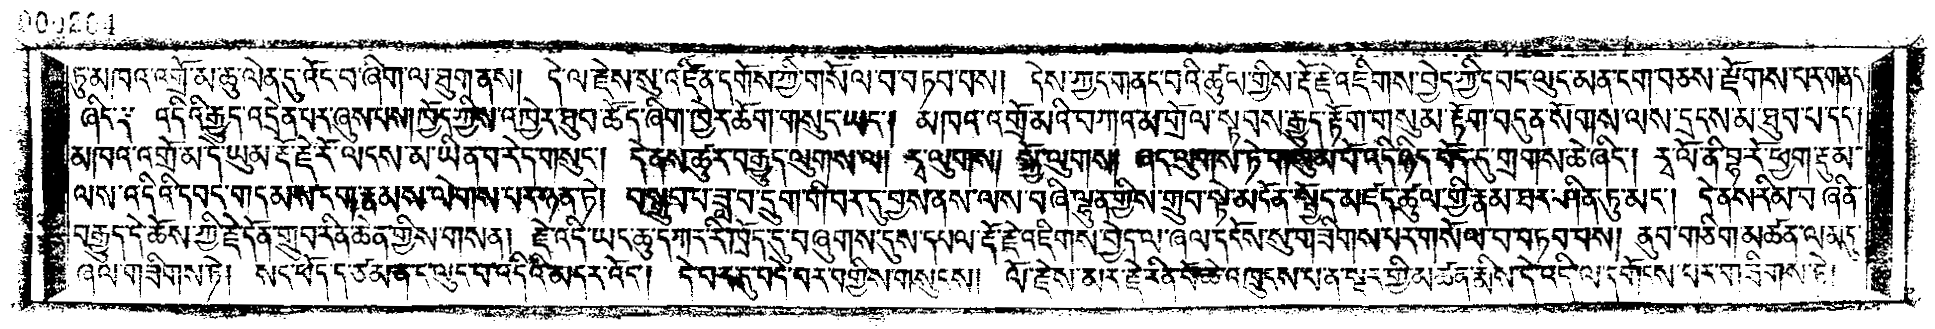ཏུ་མཁའ་འགྲོ་མ་ཆུ་ལེན་དུ་འོང་བ་ཞིག་ལ་ཐུག་ནས། དེ་ལ་རྗེས་སུ་འཛིན་དགོས་ཀྱི་གསོལ་བ་བཏབ་པས། དེས་ཀྱང་གནང་བའི་ཚུལ་གྱིས་རྡོ་རྗེ་འཇིགས་བྱེད་ཀྱི་དབང་ལུང་མན་ངག་བཅས་རྫོགས་པར་གནང་
ཞིང༑ འདིའི་རྒྱུད་འདྲེན་པར་ཞུས་པས། ཁྱོད་ཀྱིས་འཁྱེར་ཐུབ་ཚོད་ཞིག་ཁྱེར་ཆོག་གསུང་ཡང་། མཁའ་འགྲོ་མའི་བཀའ་མ་གྲོལ་སྟབས་རྒྱུད་རྟོག་གསུམ་རྟོག་བདུན་སོགས་ལས་དྲངས་མ་ཐུབ་པ་དང་།
མཁའ་འགྲོ་མ་དེ་ཡུམ་རྡོ་རྗེ་རོ་ལངས་མ་ཡིན་པ་རེད་གསུང་། དེ་ནས་ཚུར་བརྒྱུད་ལུགས་ལ། རྭ་ལུགས། སྐྱོ་ལུགས། ཞང་ལུགས་ཏེ་གསུམ་པོ་འདི་ཉིད་པོད་དུ་གྲགས་ཆེ་ཞིང་། རྭ་ལོ་ནི་བྷ་རོ་ཕྱག་རྡུམ་
ལས་འདིའི་དབང་གདམས་ངག་རྣམས་ལེགས་པར་ཉན་ཏེ། བསྒྲུབ་པ་ཟླ་བ་དྲུག་གི་བར་དུ་བྱས་ནས་ལས་བཞི་ལྷུན་གྱིས་གྲུབ་སྟེ་མངོན་སྤྱོད་མཛད་ཚུལ་གྱི་རྣམ་ཐར་ཤིན་ཏུ་མང་། དེ་ནས་རིམ་བཞིན་
བརྒྱུད་དེ་ཆོས་ཀྱི་རྗེ་དོན་གྲུབ་རིན་ཆེན་གྱིས་གསན། རྗེ་འདི་ཡང་ཆུ་དཀར་རི་ཁྲོད་དུ་བཞུགས་དུས་དཔལ་རྡོ་རྗེ་འཇིགས་བྱེད་ལ་ཞལ་དངོས་སུ་གཟིགས་པར་གསོལ་བ་བཏབ་པས། ནུབ་གཅིག་མཚན་ལམ་དུ་
ཞལ་གཟིགས་ཏེ། སང་ཕོད་ད་ཙམ་ན་ང་ལུང་བ་འདིའི་མདར་འོང་། དེ་བར་དུ་བདེ་བར་བགྱིས་གསུངས། ལོ་རྗེས་མར་རྗེ་རིན་པོ་ཆེ་འཁྲུངས་པ་ན་སྔར་གྱི་མཚན་རྨིས་དེ་འདི་ལ་དགོངས་པར་གཟིགས་ཏེ།